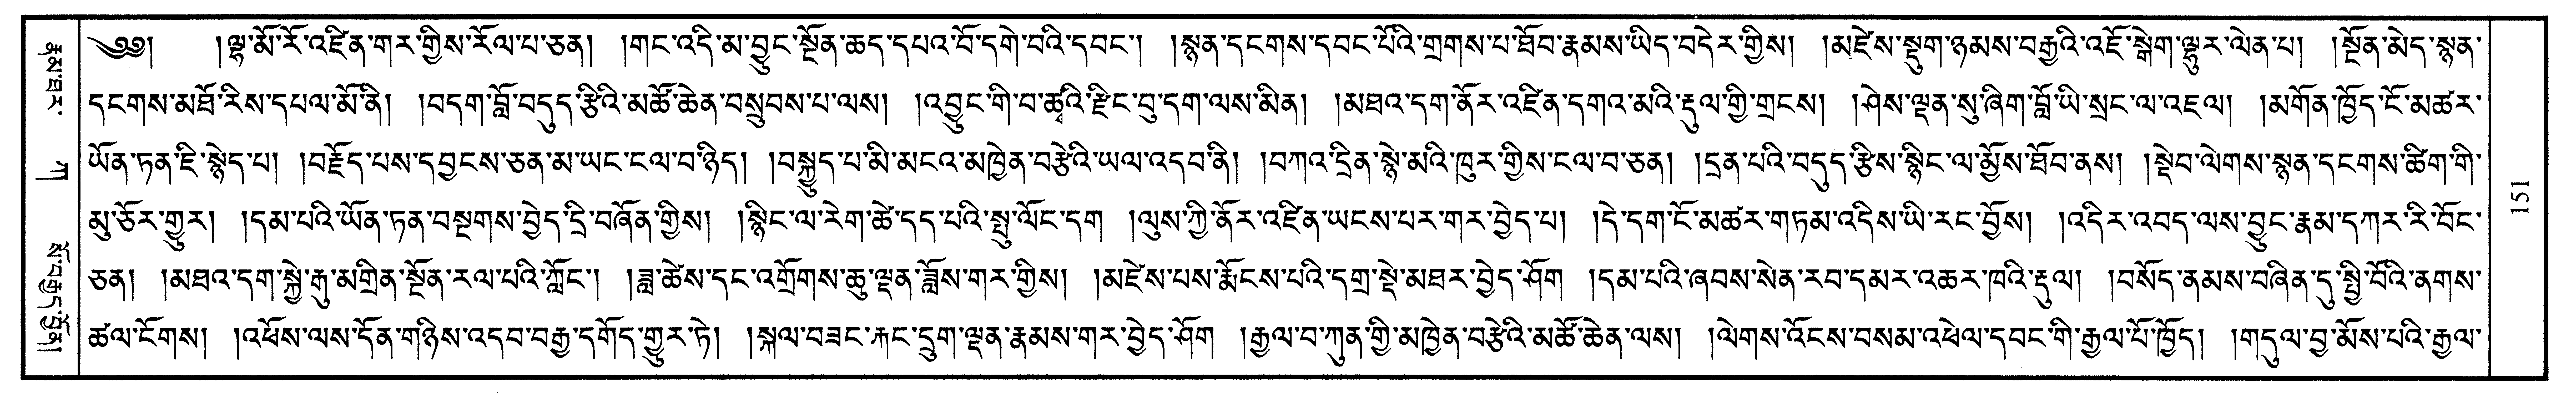༄༅། །ལྷ་མོ་རོ་འཛིན་གར་གྱིས་རོལ་པ་ཅན། །གང་འདི་མ་བྱུང་སྔོན་ཆད་དཔའ་བོ་དགེ་བའི་དབང་། །སྙན་དངགས་དབང་པོའི་གྲགས་པ་ཐོབ་རྣམས་ཡིད་བདེར་གྱིས། །མཛེས་སྡུག་ཉམས་བརྒྱའི་འཇོ་སྒེག་ལྷུར་ལེན་པ། །སྔོན་མེད་སྙན་
དངགས་མཐོ་རིས་དཔལ་མོ་ནི། །བདག་བློ་བདུད་རྩིའི་མཚོ་ཆེན་བསྲུབས་པ་ལས། །འབྱུང་གི་བ་ཚྭའི་རྫིང་བུ་དག་ལས་མིན། །མཐའ་དག་ནོར་འཛིན་དགའ་མའི་རྡུལ་གྱི་གྲངས། །ཤེས་ལྡན་སུ་ཞིག་བློ་ཡི་སྲང་ལ་འཇལ། །མགོན་ཁྱོད་ངོ་མཚར་
ཡོན་ཏན་ཇི་སྙེད་པ། །བརྗོད་པས་དབྱངས་ཅན་མ་ཡང་ངལ་བ་ཉིད། །བསྐྱུད་པ་མི་མངའ་མཁྱེན་བརྩེའི་ཡལ་འདབ་ནི། །བཀའ་དྲིན་སྙེ་མའི་ཁུར་གྱིས་ངལ་བ་ཅན། །དྲན་པའི་བདུད་རྩིས་སྙིང་ལ་མྱོས་ཐོབ་ནས། །སྡེབ་ལེགས་སྙན་དངགས་ཚིག་གི་
མུ་ཅོར་གྱུར། །དམ་པའི་ཡོན་ཏན་བསྔགས་བྱེད་དྲི་བཞོན་གྱིས། །སྙིང་ལ་རེག་ཚེ་དད་པའི་སྤུ་ལོང་དག །ལུས་ཀྱི་ནོར་འཛིན་ཡངས་པར་གར་བྱེད་པ། །དེ་དག་ངོ་མཚར་གཏམ་འདིས་ཡི་རང་བྱོས། །འདིར་འབད་ལས་བྱུང་རྣམ་དཀར་རི་བོང་
ཅན། །མཐའ་དག་སྐྱེ་རྒུ་མགྲིན་སྔོན་རལ་པའི་ཀློང་། །ཟླ་ཚེས་དང་འགྲོགས་ཆུ་ལྡན་ཟློས་གར་གྱིས། །མཛེས་པས་རྨོངས་པའི་དགྲ་སྡེ་མཐར་བྱེད་ཤོག །དམ་པའི་ཞབས་སེན་རབ་དམར་འཆར་ཁའི་རྡུལ། །བསོད་ནམས་བཞིན་དུ་སྤྱི་བོའི་ནགས་
ཚལ་ངོགས། །འཕོས་ལས་དོན་གཉིས་འདབ་བརྒྱ་དགོད་གྱུར་ཏེ། །སྐལ་བཟང་རྐང་དྲུག་ལྡན་རྣམས་གར་བྱེད་ཤོག །རྒྱལ་བ་ཀུན་གྱི་མཁྱེན་བརྩེའི་མཚོ་ཆེན་ལས། །ལེགས་འོངས་བསམ་འཕེལ་དབང་གི་རྒྱལ་པོ་ཁྱོད། །གདུལ་བྱ་མོས་པའི་རྒྱལ་